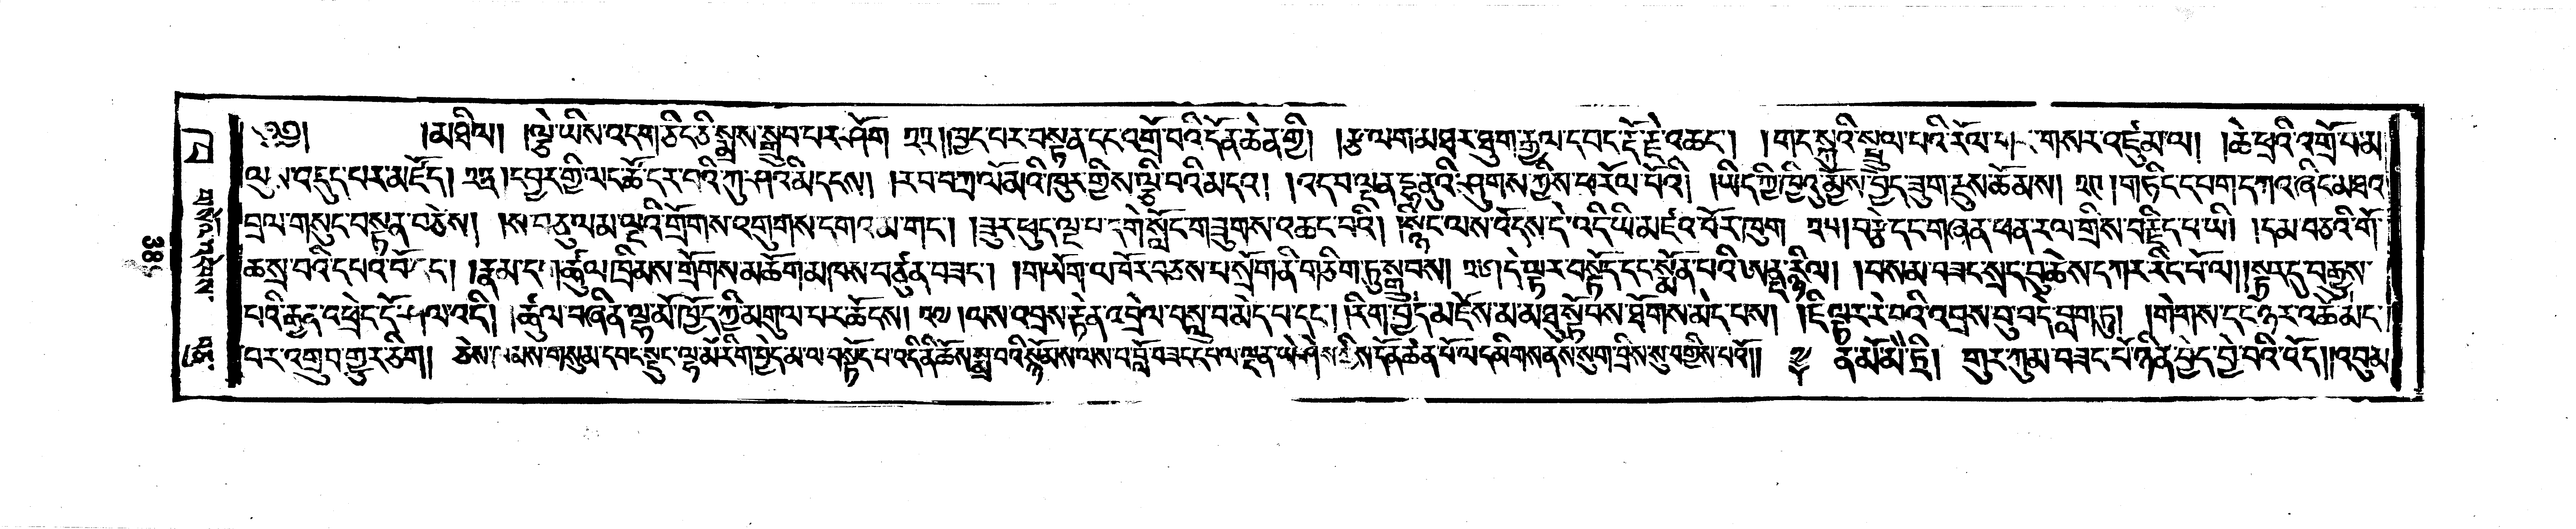༄༅། །མཐིལ། །ལྕེ་ཡིས་འདག་ཅིང་ཅི་སྨྲས་སྒྲུབ་པར་ཤོག ༢༢་།ཁྱད་པར་བསྟན་དང་འགྲོ་བའི་དོན་ཆེན་གྱི། །རྩ་ལག་མཐར་ཐུག་རྒྱལ་དབང་རྡོ་རྗེ་འཆང་། །གང་སྐུའི་སྤྲུལ་པའི་རོལ་གར་གསར་འཛུམ་ལ། །ཆེ་ཕྲའི་འགྲོ་བ་མ་
ལུས་འདུད་པར་མཛོད། ༢༣་།དབྱར་གྱི་ལང་ཚོ་དར་བའི་ཀུ་ཤའི་མདངས། །རབ་བཀྲ་ལོ་མའི་ཁུར་གྱིས་ལྕི་བའི་མདའ། །འདབ་ལྡན་དྷ་ནུའི་ཤུགས་ཀྱིས་ཕ་རོལ་པོའི། །ཡིད་ཀྱི་ཁྱིའུ་མྱོས་བྱེད་ཟུག་རྡུས་ཆོམས། ༢༤་།གཏིང་དཔག་དཀའ་ཞིང་མཐའ་
བྲལ་གསུང་བསྟན་བཅེས། །ས་བཅུ་ལམ་ལྔའི་གྲོགས་འགུགས་དགའ་མ་གང་། །ཟུར་ཕུད་ལྔ་པ་དགེ་སློང་གཟུགས་འཆང་བའི། །སྙིང་ལས་འདོས་དེ་འདི་ཡི་མཛའ་བོར་ཁུག ༢༥་།བརྩེ་དང་གཞན་ཕན་རལ་གྲིས་བརྗིད་པ་ཡི། །དམ་བཅའི་གོ་
ཆ་སྲ་བའི་བོ་དང་། །རྣམ་དག་ཚུལ་ཁྲིམས་གྲོགས་མཆོག་མཁས་བཙུན་བཟང་། །གཡོག་འཁོར་བཅས་པ་སྲོག་ནི་གཅིག་ཏུ་སྒྲུབས། ༢༦་།ལས་འབྲས་རྟེན་འབྲེལ་བསླུ་བ་མེད་པ་དང་། །རིག་བྱེད་མཛོས་མ་མཐུ་སྟོབས་ཐོགས་མེད་པས། །ཇི་ལྟར་རེ་བའི་འབྲས་བུ་བདེ་བླག་ཏུ། །གེགས་དང་ཉེར་འཚོ་མེད་
པའི་རྒྱན་འཕྲེང་དོ་ཤལ་འདི། །ཚུལ་བཞིན་ལྷ་མོ་ཁྱོད་ཀྱི་མགུལ་པར་ཆོངས། ༢༧་།ལས་འབྲས་རྟེན་འབྲེལ་བསླུ་བ་མེད་པ་དང་། །རིག་བྱེད་མཛོད་མ་མཐུ་སྟོབས་ཐོགས་མེད་པས། །ཇི་ལྟར་རེ་བའི་འབྲས་བུ་བདེ་བླག་ཏུ། །གེགས་དང་ཉེར་འཚེ་མེད་
པར་འགྲུབ་གྱུར་ཅིག། ཅེས་ཁམས་གསུམ་དབང་སྡུང་ལྷ་མོ་རིག་བྱེད་མ་ལ་བསྟོད་པ་འདི་ནི་ཆོས་སྨྲ་བའི་སྙོམས་ལས་པ་བློ་བཟང་དཔལ་ལྡན་ཡེ་ཤེས་ཀྱིས་དོན་ཆེན་པོ་ལ་དམིགས་ནས་སུག་བྲིས་སུ་བགྱིས་པའོ།། ༈ ན་མོ་མཻ་ཏྲི། གུར་ཀུམ་བཟང་པོ་ཉིན་བྱེད་བྱེ་བའི་འོད། །འབུམ་